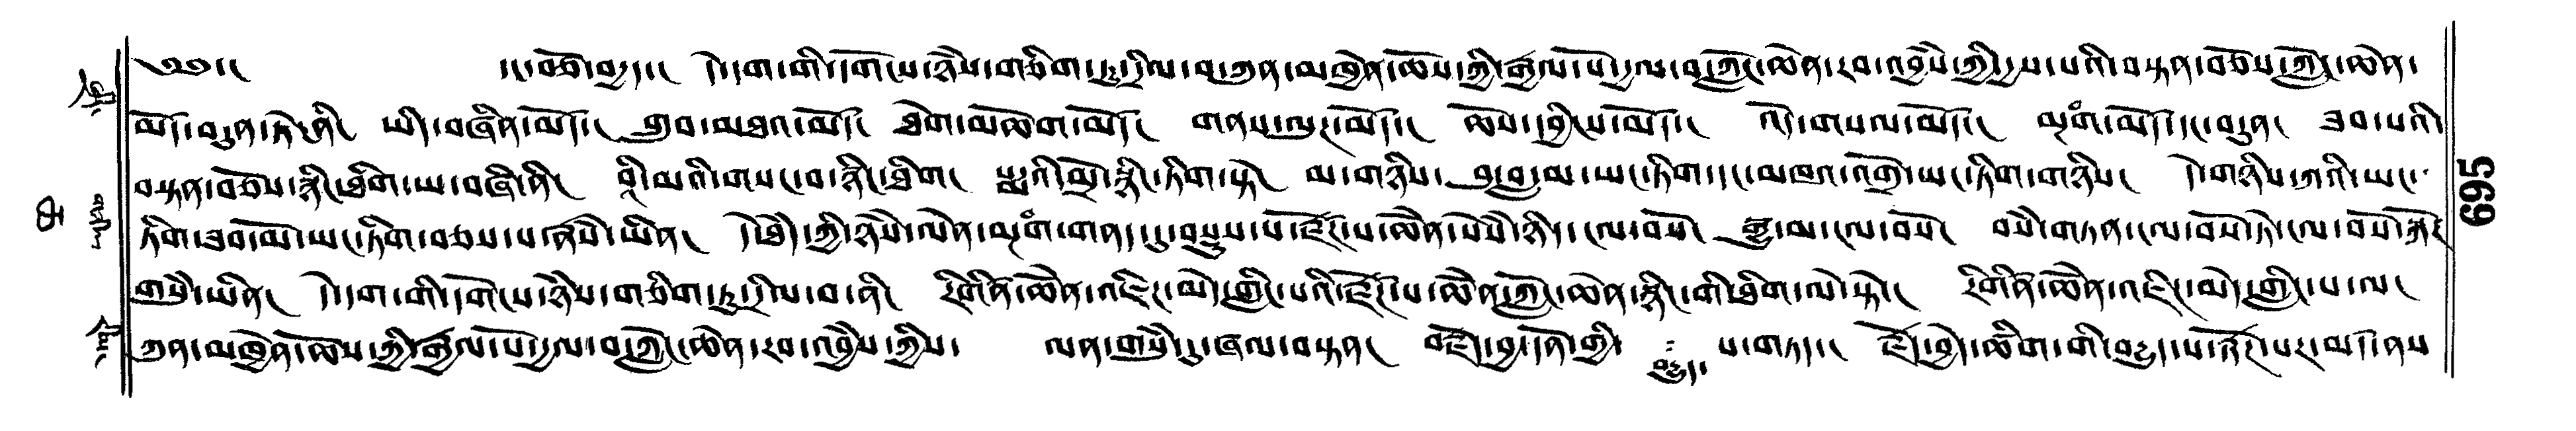དང་བཅོ་བརྒྱད། དེ་དག་གི་དགོངས་ཉམས་གཅིག་ཏུ་དྲིལ་བ་ཀུན་མཁྱེན་ཆོས་ཀྱི་རྒྱལ་པོ་རྒྱལ་བ་ཀློང་ཆེན་རབ་འབྱམས་ཀྱི་རྒྱས་པའི་བསྟན་བཅོས་ཀློང་ཆེན་
མཛོད་བདུན་ནི། ཡིད་བཞིན་མཛོད། གྲུབ་མཐའ་མཛོད། ཐེག་མཆོག་མཛོད། གནས་ལུགས་མཛོད། ཆོས་དབྱིངས་མཛོད། འོད་གསལ་མཛོད། མན་ངག་མཛོད་དང་བདུན། ཟབ་པའི་
བསྟན་བཅོས་སྙིང་ཐིག་ཡ་བཞི་ནི། བཱི་མའི་གསང་བ་སྙིང་ཐིག པདྨའི་མཁའ་འགྲོ་སྙིང་ཐིག་སྟེ། མ་གཉིས། བུ་བླ་མ་ཡང་ཏིག་དང་མཁའ་འགྲོ་ཡང་ཏིག་གཉིས། དེ་གཉིས་ཀའི་ཡང་
ཏིག་ཟབ་མོ་ཡང་ཏིག་བཅས་པ་རྣམས་ཡིན། དེ་ཐམས་ཅད་ཀྱི་ཉམས་ལེན་མན་ངག་གནད་དུ་བསྡུས་པ་རྫོགས་པ་ཆེན་པོ་སེམས་ཉིད་ངལ་བསོ། སྒྱུ་མ་ངལ་བསོ། བསམ་གཏན་ངལ་བསོ་ཏེ་ངལ་བསོ་སྐོར་
གསུམ་ཡིན། དེ་དག་གི་དགོངས་ཉམས་གཅིག་ཏུ་དྲིལ་བ་ནི། རིག་འཛིན་ཆེན་པོ་འཇིགས་མེད་གླིང་པའི་རྫོགས་པ་ཆེན་པོ་ཀློང་ཆེན་སྙིང་གི་ཐིག་ལེ་སྟེ། རིག་འཛིན་ཆེན་པོ་འཇིགས་མེད་གླིང་པ་ལ། 
ཀུན་མཁྱེན་ཆོས་ཀྱི་རྒྱལ་པོ་རྒྱལ་བ་ཀློང་ཆེན་རབ་འབྱམས་ཀྱིས་ལན་གསུམ་དུ་ཞལ་བསྟན། བརྗོད་བྱ་དོན་གྱི་བརྒྱུད་པ་གཏད། རྗོད་བྱེད་ཚིག་གི་བརྒྱུད་པ་རྟོགས་པར་མཛད་ནས་